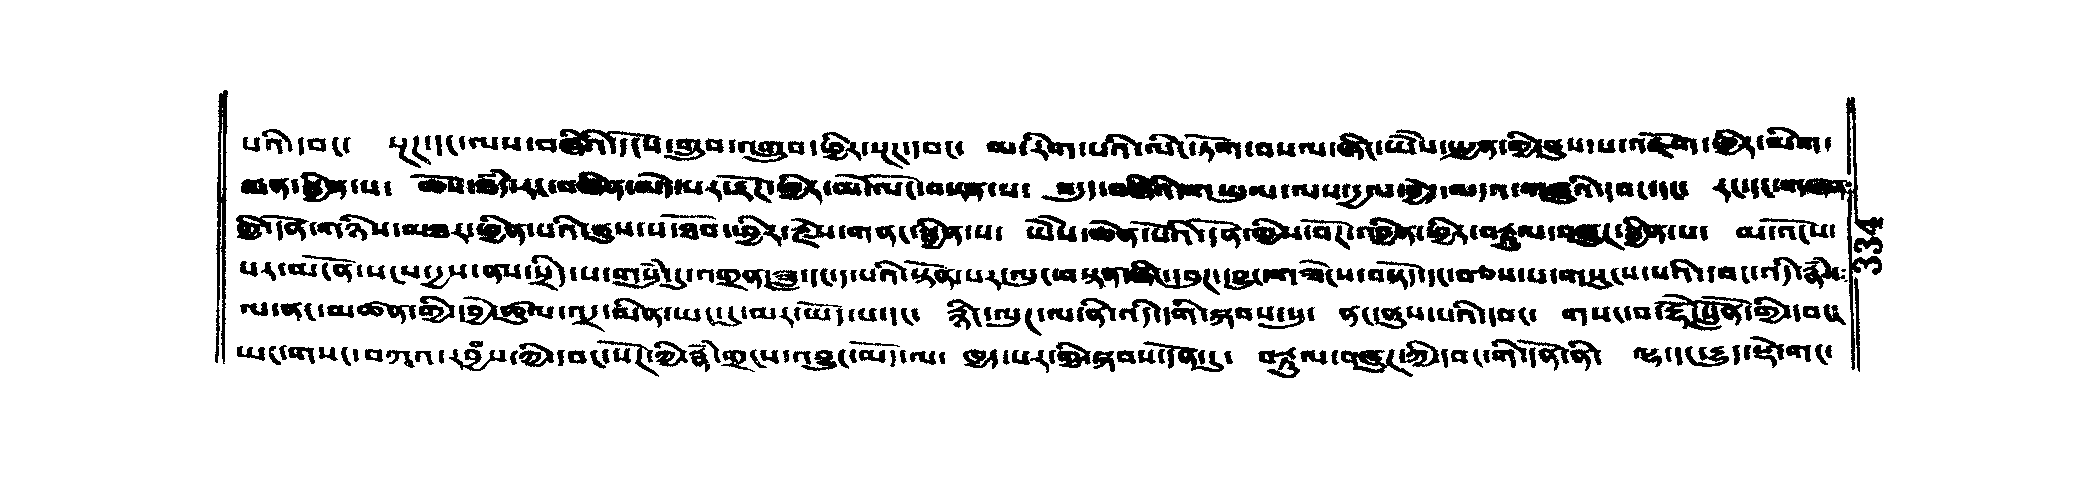པའི་དབང་། སྔགས་དང་ལས་བཞིའི་དངོས་གྲུབ་འགྲུབ་ཕྱིར་སྔགས་དབང་། མ་རིག་པའི་ལིང་ཏོག་བསལ་ཞིང་ཡེ་ཤེས་སྤྱན་གྱི་ནུས་པ་འཇོག་ཕྱིར་མིག་
སྨན་སྦྱིན་པ། ཆོས་ཐམས་ཅད་རང་བཞིན་མེད་པར་རྟོགས་བྱེད་མེ་ལོང་བསྟན་པ། བདུད་བཞིའི་གཡུལ་ལས་རྒྱལ་བྱེད་མདའ་གཞུའི་དབང་དང་། རང་དང་གཞན་
གྱི་དོན་གཉིས་མཐར་ཕྱིན་པའི་ནུས་པ་ཐོབ་ཕྱིར་རྗེས་གནང་སྦྱིན་པ། ཡེ་ཤེས་ཆེན་པོའི་དོན་གྱི་བོགས་འབྱིན་ཕྱིར་བརྟུལ་བཞུགས་སྦྱིན་པ།མ་འོངས་
པར་མངོན་སངས་རྒྱས་ནས་སྲིད་པ་གསུམ་དུ་འགྲན་ཟླ་དང་བྲལ་བའི་སྟོན་པར་ལུང་བསྟན་ཞིང་དབུགས་དབྱུང་གཟེངས་བསྟོད་དང་བཅས་པ་གསུངས་པའི་དབང་འདི་རྣམས་
ལ་ནང་མཚན་གྱི་དབྱེ་ཚུལ་འདྲ་མིན་དུ་མར་ཡོད་པ་དང་། རྙིང་ལུགས་ལ་ནི་འདི་དག་གི་སྐབས་སུ། ནང་ནུས་པའི་དབང་། གསང་བ་རྡོ་རྗེ་སློབ་དཔོན་གྱི་དབང་། 
ཡང་གསང་བཀའ་རབ་འབྱམས་ཀྱི་དབང་སོགས་ཀྱི་རྣམ་གྲངས་འབྱུང་མོད་ལ། ཁྱད་པར་གྱི་སྐབས་དོན་དུ། བརྟུལ་བཞུགས་ཀྱི་དབང་གི་དོན་ནི། ལྷ་དང་རྒྱུད་སྡེ་གང་